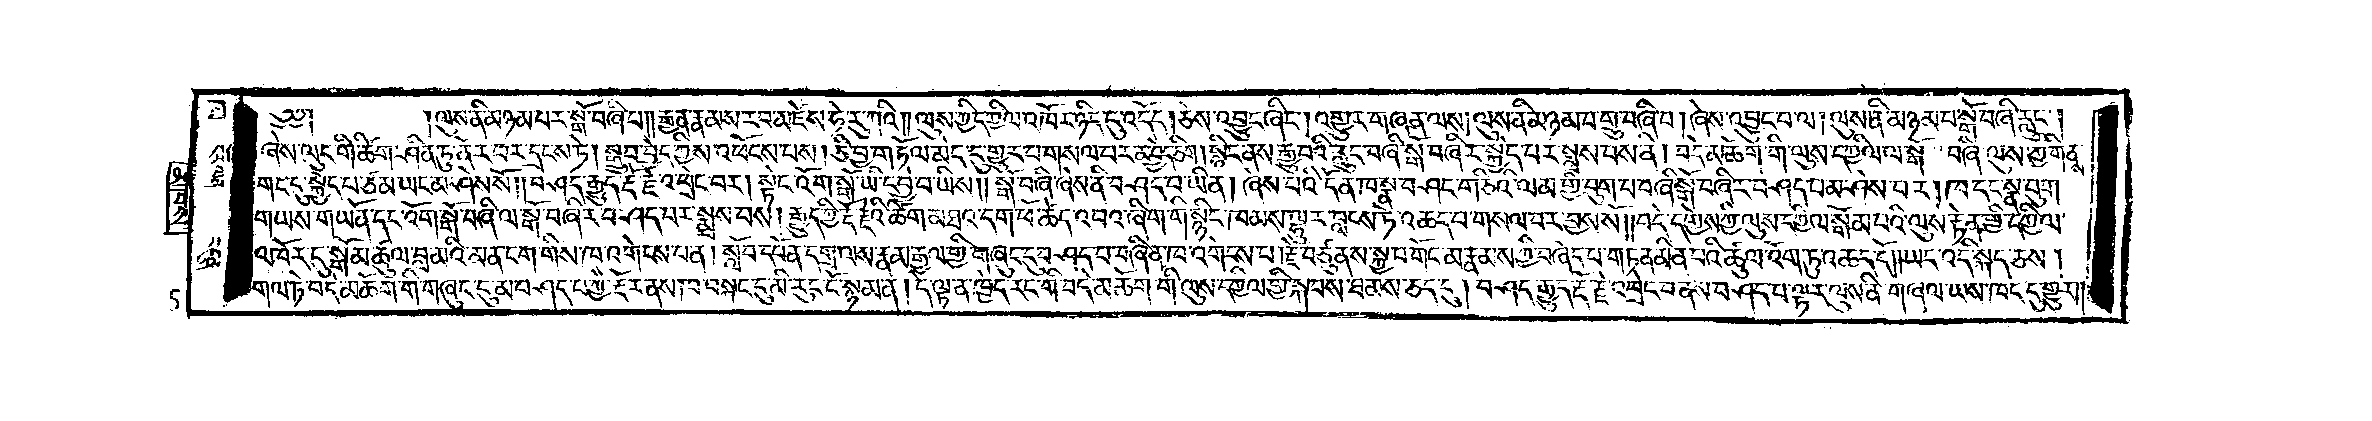༄༅། །ལུས་ནི་མཉམ་པར་སྒོ་བཞི་པ། །རྒྱན་རྣམས་རབ་མཛེས་ཧེ་རུ་ཀའི། །ལུས་ཀྱི་དཀྱིལ་འཁོར་ཉིད་དུ་འདོད། ཅེས་འབྱུང་ཞིང་། འགྱུར་གཞན་ལས། ལུས་ནི་མཉམ་པ་གྲུ་བཞི་པ། ཞེས་འབྱུང་བ་ལ། ལུས་ནི་མཉམ་པ་སྒོ་བཞི་རླུང་།
ཞེས་ལུང་གི་ཚིག་ཤིན་ཏུ་ནོར་བར་དྲངས་ཏེ། སྒྲུབ་བྱེད་ཀྱིས་འཕོངས་པས། ཅི་བྱ་གཏོལ་མེད་དུ་གྱུར་པ་གསལ་བར་མ་བྱེད་ཅིག །སྙིང་ནས་རྒྱུ་བའི་རླུང་བཞི་སྒོ་བཞིར་སྐྱེད་པར་སྨྲས་པས་ནི། བདེ་མཆོག་གི་ལུས་དཀྱིལ་ལ་སྒོ་བཞི་ལུས་ཀྱི་གནས་
གང་དུ་སྐྱེད་པ་ཙམ་ཡང་མ་ཤེས་སོ། །བཤད་རྒྱུད་རྡོ་རྗེ་འཕྲེང་བར། སྟེང་འོག་སྒོ་ཡི་དབྱེ་བ་ཡིས། །སྒོ་བཞི་ཞེས་ནི་བཤད་པ་ཡིན། ཞེས་པའི་དོན་ཁ་སྣ་བཤད་གཅིའི་ལམ་གྱི་བུག་པ་བཞི་སྒོ་བཞིར་བཤད་པ་མ་ཤེས་པར། ཁ་དང་སྣ་བུག་
གཡས་གཡོན་དང་འོག་སྒོ་བཞི་ལ་སྒོ་བཞིར་བཤད་པར་སྨྲས་པས། རྒྱུད་ཀྱི་རྡོ་རྗེའི་ཚིག་མཐའ་དག་ཕོ་ཚེད་འབའ་ཞིག་གི་སྙིང་ཁམས་ལྷུར་བླངས་ཏེ་འཆད་པ་གསལ་བར་བྱས་སོ། །བདེ་དགྱེས་ཀྱི་ལུས་དཀྱིལ་སྒོམ་པའི་ལུས་རྟེན་གྱི་དཀྱིལ་
འཁོར་དུ་སྒོམ་ཚུལ་བླ་མའི་མན་ངག་གིས་ཁ་འགེངས་པ་ན། སློབ་དཔོན་དགྲ་ལས་རྣམ་རྒྱལ་གྱི་གཞུང་དུ་བཤད་པ་བཞིན་ཁ་འགེངས་པ། རྗེ་བཙུན་ས་སྐྱ་བ་གོང་མ་རྣམས་ཀྱི་བཞེད་པ་གཏན་མིན་པའི་ཚུལ་འོག་ཏུ་འཆད་དོ། །ཡང་འདི་སྐད་ཅས།
གལ་ཏེ་བདེ་མཆོག་གི་གཞུང་དུ་མ་བཤད་པ་ཀྱཻ་རྡོར་ནས་ཁ་བསྐང་དུ་མི་རུང་ངོ་སྙམ་ན། དེ་ལྟ་ན་ཁྱེད་རང་གི་བདེ་མཆོག་གི་ལུས་དཀྱིལ་གྱི་སྐབས་ཐམས་ཅད་དུ། བཤད་རྒྱུད་རྡོ་རྗེ་འཕྲེང་བ་ནས་བཤད་པ་ལྟར་ལུས་ནི་གཞལ་ཡས་ཁང་དུ་གྱུར། །